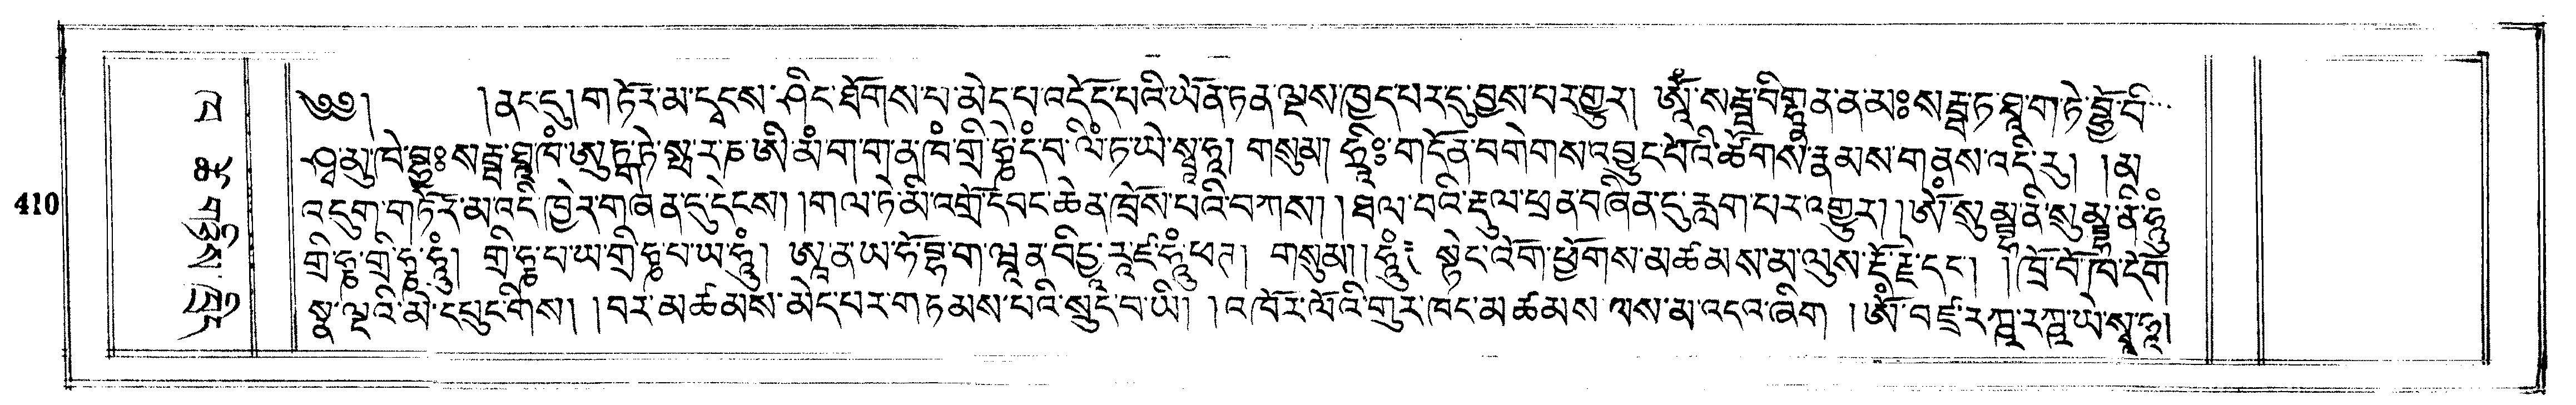༄༅། །ནང་དུ། གཏོར་མ་དྭངས་ཤིང་ཐོགས་པ་མེད་པ་འདོད་པའི་ཡོན་ཏན་ལྔས་ཁྱད་པར་དུ་བྱས་པར་གྱུར། OM་སརྦཱ་བིགྷྣྣ་ན་མཿ སརྦྦ་ཏ་ཐཱ་ག་ཏེ་བྷྱོ་བི་
ཤྭ་མུ་ཁེ་བྷྱཿ སརྦྦ་ཐཱ་ཁཾ་ཨུཏ་ག་ཏེ་སྥ་ར་ཎ་ཨི་མཾ་ག་ག་ན་ཁཾ་གྲི་ཧྞེ་དཾ་བ་ལིཾ་ཏ་ཡེ་སྭཱ་ཧཱ། གསུམ། ཧྲཱིཿ གདོན་བགེགས་འབྱུང་པོའི་ཚོགས་རྣམས་གནས་འདི་རུ། །མ་
འདུག་གཏོར་མ་འདི་ཁྱེར་གཞན་དུ་དེངས། །གལ་ཏེ་མི་འགྲོ་དབང་ཆེན་ཁྲོས་པའི་བཀས། །ཐལ་བའི་རྡུལ་ཕྲན་བཞིན་དུ་རླག་པར་འགྱུར། །ཨོཾ་སུམྦྷ་ནི་སུམྦྷ་ནི་ཧཱུཾ་
གྲི་ཧྞ་གྲི་ཧྞ་ཧཱུཾ། གྲི་ཧྞ་པ་ཡ་གྲི་ཧྞ་པ་ཡ་ཧཱུཾ། ཨཱ་ན་ཡ་ཧོ་བྷ་ག་ཝཱན་བིདྱཱ་རཱ་ཛ་ཧཱུཾ་ཕཊ། གསུམ། །ཧཱུཾ༑ སྟེང་འོག་ཕྱོགས་མཚམས་མ་ལུས་རྡོ་རྗེ་དང་། །ཁྲོ་བོ་ཁ་དོག་
སྣ་ལྔའི་མེ་དཔུང་གིས། །བར་མཚམས་མེད་པར་གཏམས་པའི་སྲུང་བ་ཡི། །འཁོར་ལོའི་གུར་ཁང་མཚམས་ལས་མ་འདའ་ཞིག །ཨོཾ་བཛྲ་རཀྵ་རཀྵ་ཡེ་སྭཱ་ཧཱ།